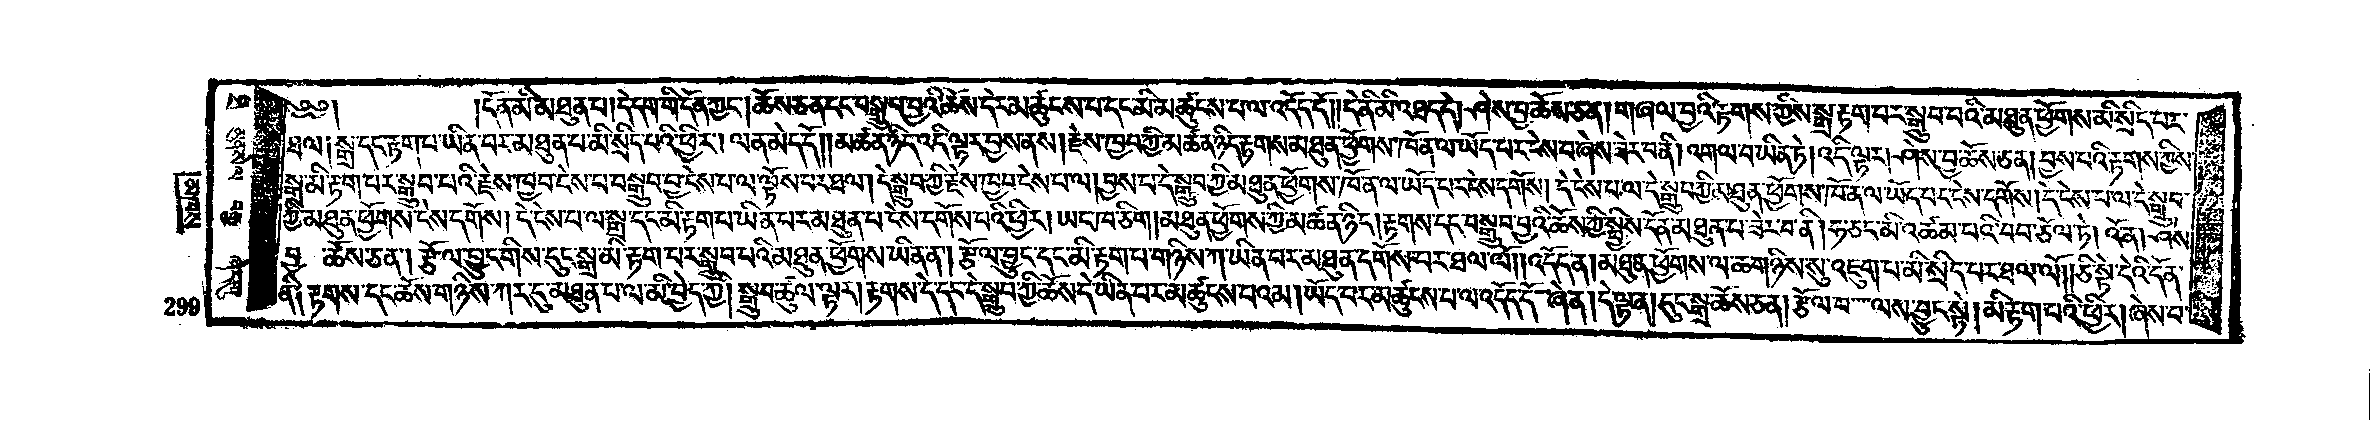༄༅། །དོན་མི་མཐུན་པ། དེ་དག་གི་དོན་ཀྱང་། ཆོས་ཅན་དང་བསྒྲུབ་བྱའི་ཆོས་དེར་མཚུངས་པ་དང་མི་མཚུངས་པ་ལ་འདོད་དོ། །དེ་ནི་མི་འཐད་དེ། ཤེས་བྱ་ཆོས་ཅན། གཞལ་བྱའི་རྟགས་ཀྱིས་སྒྲ་རྟག་པར་སྒྲུབ་པའི་མཐུན་ཕྱོགས་མི་སྲིད་པར་
ཐལ། སྒྲ་དང་རྟག་པ་ཡིན་པར་མཐུན་པ་མི་སྲིད་པའི་ཕྱིར། ལན་མེད་དོ། །མཚན་ཉིད་འདི་ལྟར་བྱས་ནས། རྗེས་ཁྱབ་ཀྱི་མཚན་ཉིད་རྟགས་མཐུན་ཕྱོགས་ཁོ་ན་ལ་ཡོད་པར་ངེས་པ་ཞེས་ཟེར་བ་ནི། འགལ་བ་ཡིན་ཏེ། འདི་ལྟར། ཤེས་བྱ་ཆོས་ཅན། བྱས་པའི་རྟགས་ཀྱིས་
སྒྲ་མི་རྟག་པར་སྒྲུབ་པའི་རྗེས་ཁྱབ་ངེས་པ་བསྒྲུབ་བྱ་ངེས་པ་ལ་ལྟོས་པར་ཐལ། དེ་སྒྲུབ་ཀྱི་རྗེས་ཁྱབ་ངེས་པ་ལ། བྱས་པ་དེ་སྒྲུབ་ཀྱི་མཐུན་ཕྱོགས་ཁོ་ན་ལ་ཡོད་པར་ངེས་དགོས། དེ་ངེས་པ་ལ་དེ་སྒྲུབ་ཀྱི་མཐུན་ཕྱོགས་ཁོ་ན་ལ་ཡོད་པར་ངེས་དགོས། དེ་ངེས་པ་ལ་དེ་སྒྲུབ་
ཀྱི་མཐུན་ཕྱོགས་ངེས་དགོས། དེ་ངེས་པ་ལ་སྒྲ་དང་མི་རྟག་པ་ཡིན་པར་མཐུན་པ་ངེས་དགོས་པའི་ཕྱིར། ཡང་ཁ་ཅིག །མཐུན་ཕྱོགས་ཀྱི་མཚན་ཉིད། རྟགས་དང་བསྒྲུབ་བྱའི་ཆོས་ཀྱི་སྤྱིས་དོན་མཐུན་པ་ཟེར་བ་ནི། ཧ་ཅང་མི་འཚམ་པའི་བབ་ཅོལ་?་ཏེ། འོ་ན། ཤེས་
བྱ་ཆོས་ཅན། རྩོལ་བྱུང་གིས་དུང་སྒྲ་མི་རྟག་པར་སྒྲུབ་པའི་མཐུན་ཕྱོགས་ཡིན་ན། རྩོལ་བྱུང་དང་མི་རྟག་པ་གཉིས་ཀ་ཡིན་པར་མཐུན་དགོས་པར་ཐལ་ལོ། །འདོད་ན། མཐུན་ཕྱོགས་ལ་ཆ་གཉིས་སུ་འཇུག་པ་མི་སྲིད་པར་ཐལ་ལོ། །ཅི་སྟེ་དེའི་དོན་
ནི། རྟགས་དང་ཆོས་གཉིས་ཀར་དུ་མཐུན་པ་ལ་མི་བྱེད་ཀྱི། སྒྲུབ་ཚུལ་ལྟར། རྟགས་དེ་དང་དེ་སྒྲུབ་ཀྱི་ཆོས་དེ་ཡིན་པར་མཚུངས་པའམ། ཡོད་པར་མཚུངས་པ་ལ་འདོད་དོ་ཞེ་ན། དེ་ལྟ་ན། དུང་སྒྲ་ཆོས་ཅན། རྩོལ་བ་ལས་བྱུང་སྟེ། མི་རྟག་པའི་ཕྱིར། ཞེས་པ་